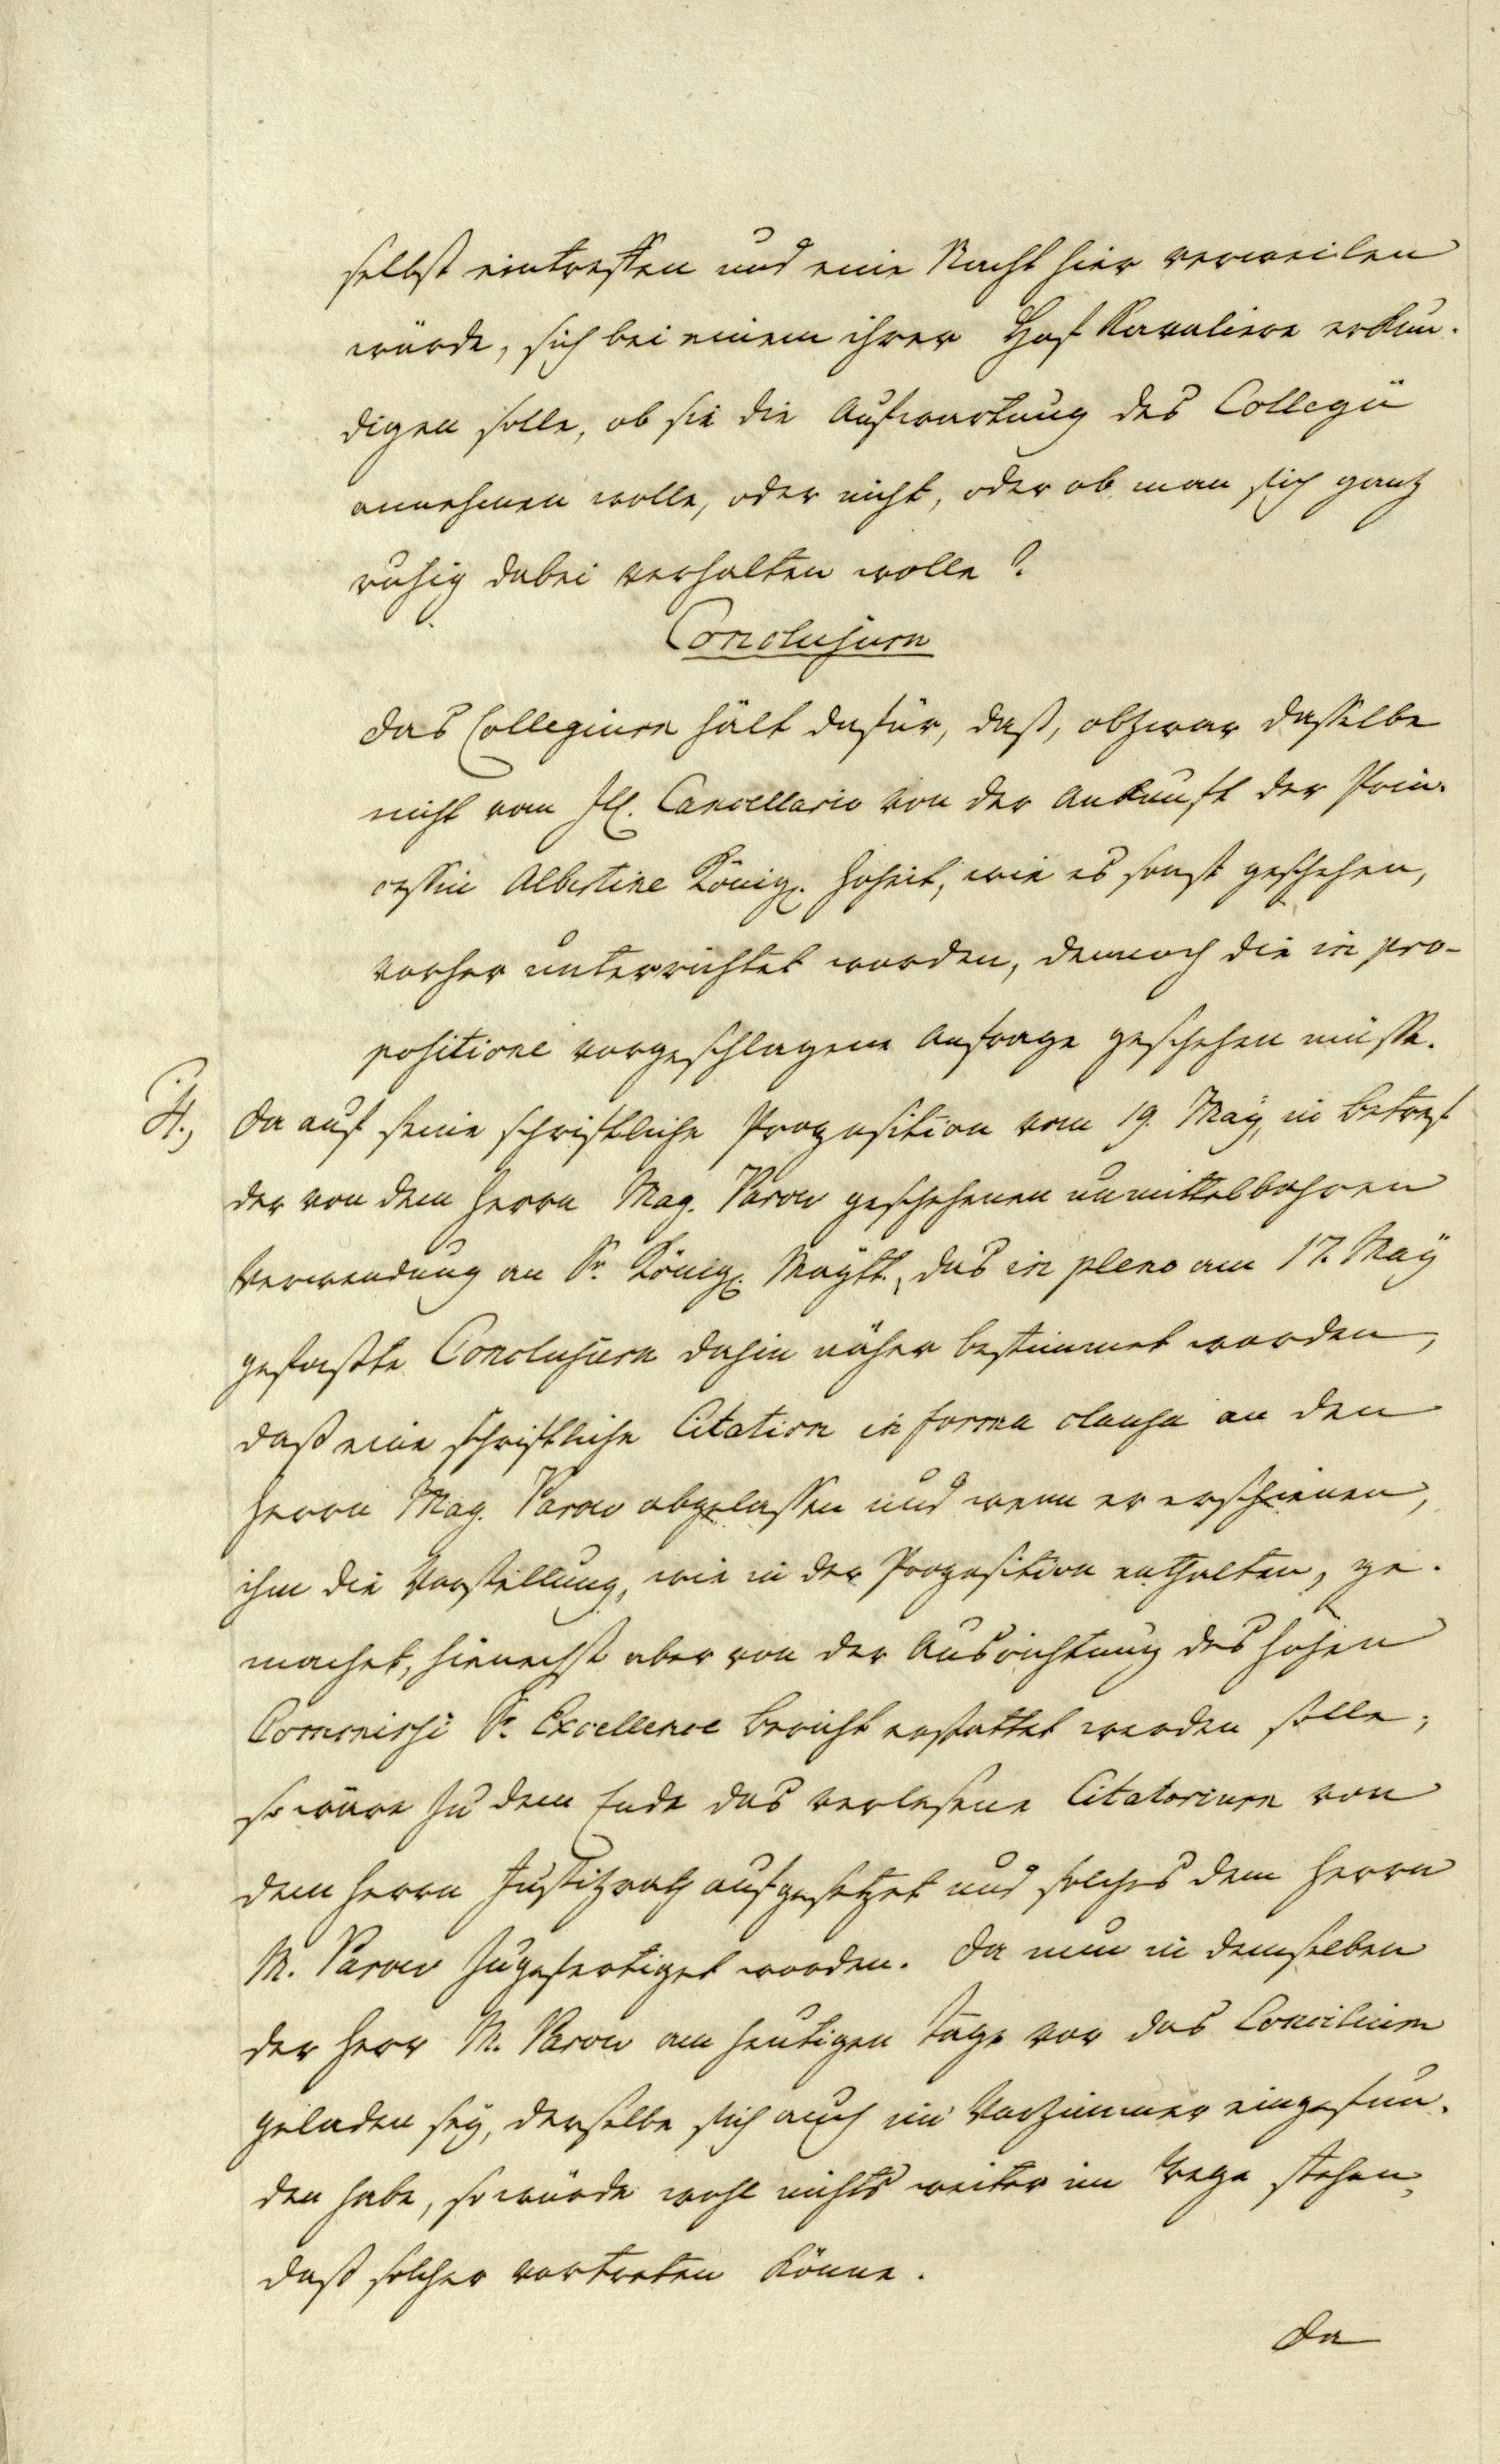selbst eintreffen und eine nNcht hier verweilen
würde, sich bei einem ihrer Hof Kavaliere erkun¬
digen solle, ob sie die Aufwartung des Collegii
annehmen wolle, oder nicht, oder ob man sich ganz
ruhig dabei verhalten wolle!
Conclusum
Das Collegium hält dafür, daß, obzwar dasselbe
nicht vom Ill. Cancellario von der Ankunft der Prin¬
cessin Albertine Königl. Hoheit, wie es sonst geschehen,
vorher unterrichtet worden, demnach die in pro¬
positione vorgeschlagene Anfrage geschehen müsse.
4., Da auf seine schriftliche Proposition vom 19. Maÿ, in betref
der von dem herrn Mag. Parow geschehenen unmittelbahren
Verwendung an Sr. Königl. Maÿtt. das in pleno am 17. Maÿ
gefaßte Conclusm dahin näher bestimmet worden,
daß eine schriftliche Citation in forma clausa an den
herrn Mag. Parow abgelassen und wenn er erschienen,
ihm die Vorstellung, wie in der Proposition enthalten, ge¬
machet, hienechst aber von der Ausrichtung des hohen
Commissi Sr. Excellence Bericht erstattet werden solle,
so wäre zu dem Ende das verlesene Citatorium von
dem herrn Justizrath aufgesetzet und solches dem herrn
M. Parow zugefertiget worden. Da nun in demselben
der herr M. Parow am heutigen Tage vor das Concilium
geladen seÿ, derselbe sich auch im Vorzimmer eingefun¬
den habe, so würde wohl nichts weiter im Wege stehen,
daß solcher vortreten könne.
Da